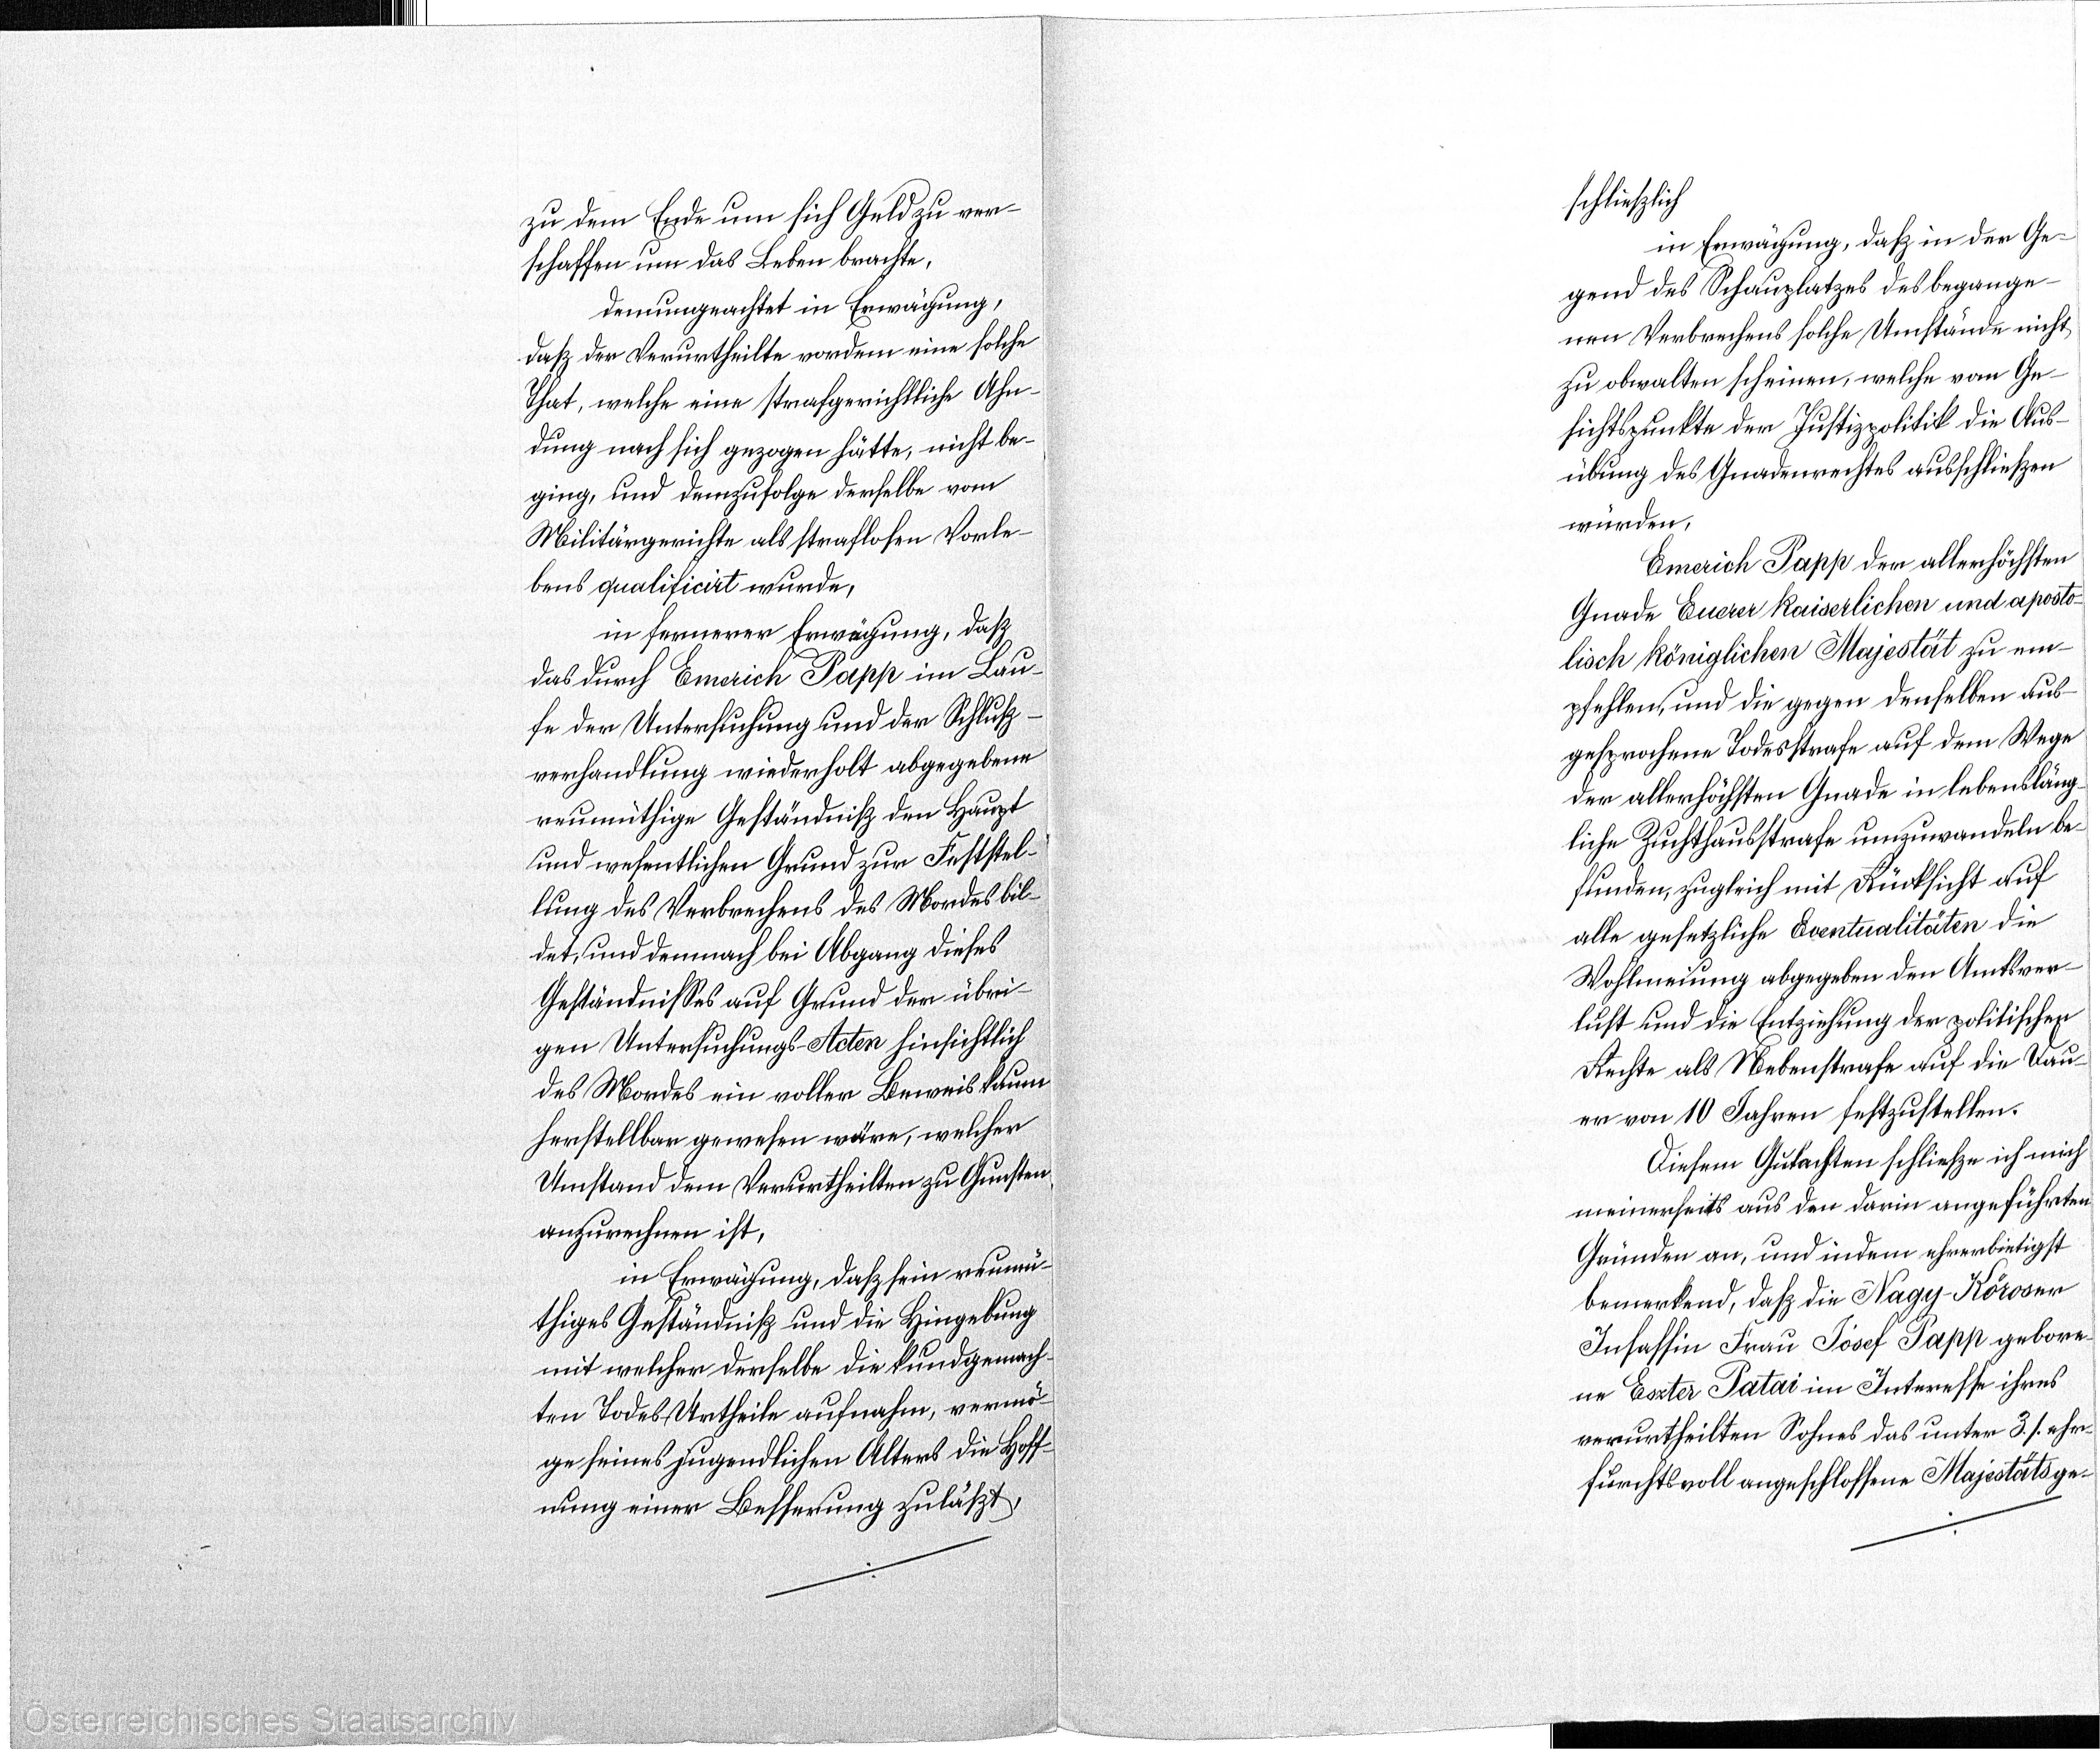zu dem Ende um sich Geld zu ver¬
schaffen um das Leben brachte,
demungeachtet in Erwägung,
daß der Verurtheilte vordem eine solche
That, welche eine strafgerichtliche Ahn¬
dung nach sich gezogen hätte, nicht be¬
ging, und demzufolge derselbe vom
Militärgerichte als straflosen Vorle¬
bens qualificirt wurde,
in fernerer Erwägung, daß
das durch Emerich Papp in Lau¬
fe der Untersuchung und der Schluß¬
verhandlung wiederholt abgegebene
reumüthige Geständniß den Haupt
und wesentlichen Grund zur Feststel¬
lung des Verbrechens des Mordes bil¬
det und demnach bei Abgang dieses
Geständnises auf Grund der übri¬
gen Untersuchungs-Acten hinsichtlich
des Mordes ein voller Beweis kaum
herstellbar gewesen wäer, welcher
Umstand dem Verurtheilten zu Gunsten
anzurechnen ist,
in Erwägung, daß sein reumü¬
thiges Geständniß und die Hingebung
mit welcher derselbe die Kundgemach¬
ten Todes-Urtheile aufnahm, vermö¬
ge seines jugendlichen Alters die Hoff¬
nung einer Besserung zuläßt,
schließlich
in Erwägung, daß in der Ge¬
gend des Schauplatzes des begange¬
nen Verbrechens solche Umstände nicht
zu obwalten scheinen, welche vom Ge¬
sichtspunkte der Justizpolitik die Aus¬
übung des Gnadenrechtes auschließen
würden,
Emerich Papp der allerhöchsten
Gnade Euerer kaiserlichen und aposto¬
lisch königlichen Majestät zu em¬
pfehlen, und die gegen denselben aus¬
gesprochene Todesstrafe auf dem Wege
der allerhöchsten Gnade in lebensläng¬
liche Zuchthausstrafe umzuwandeln be¬
funden, zugleich mit Rücksicht auf
alle gesetzliche Eventualitäten die
Wohlmeinung abgegeben den Amtsver¬
lust und die Entziehung der politischen
Rechte als Nebenstrafe auf die Dau¬
er von 10 Jahren festzustellen.
Diesem Gutachten schließe ich mich
meinerseits aus den darin angeführten
Gründen an, und indem ehrerbietigst
bemerkend, daß die Nagy-Kőröser
Insassin Frau Jósef Papp gebore¬
ne Eszter Patai im Interesse ihres
verurtheilten Sohnes das unter 3) ehr¬
furchtsvoll angeschlossene Majestätsge¬